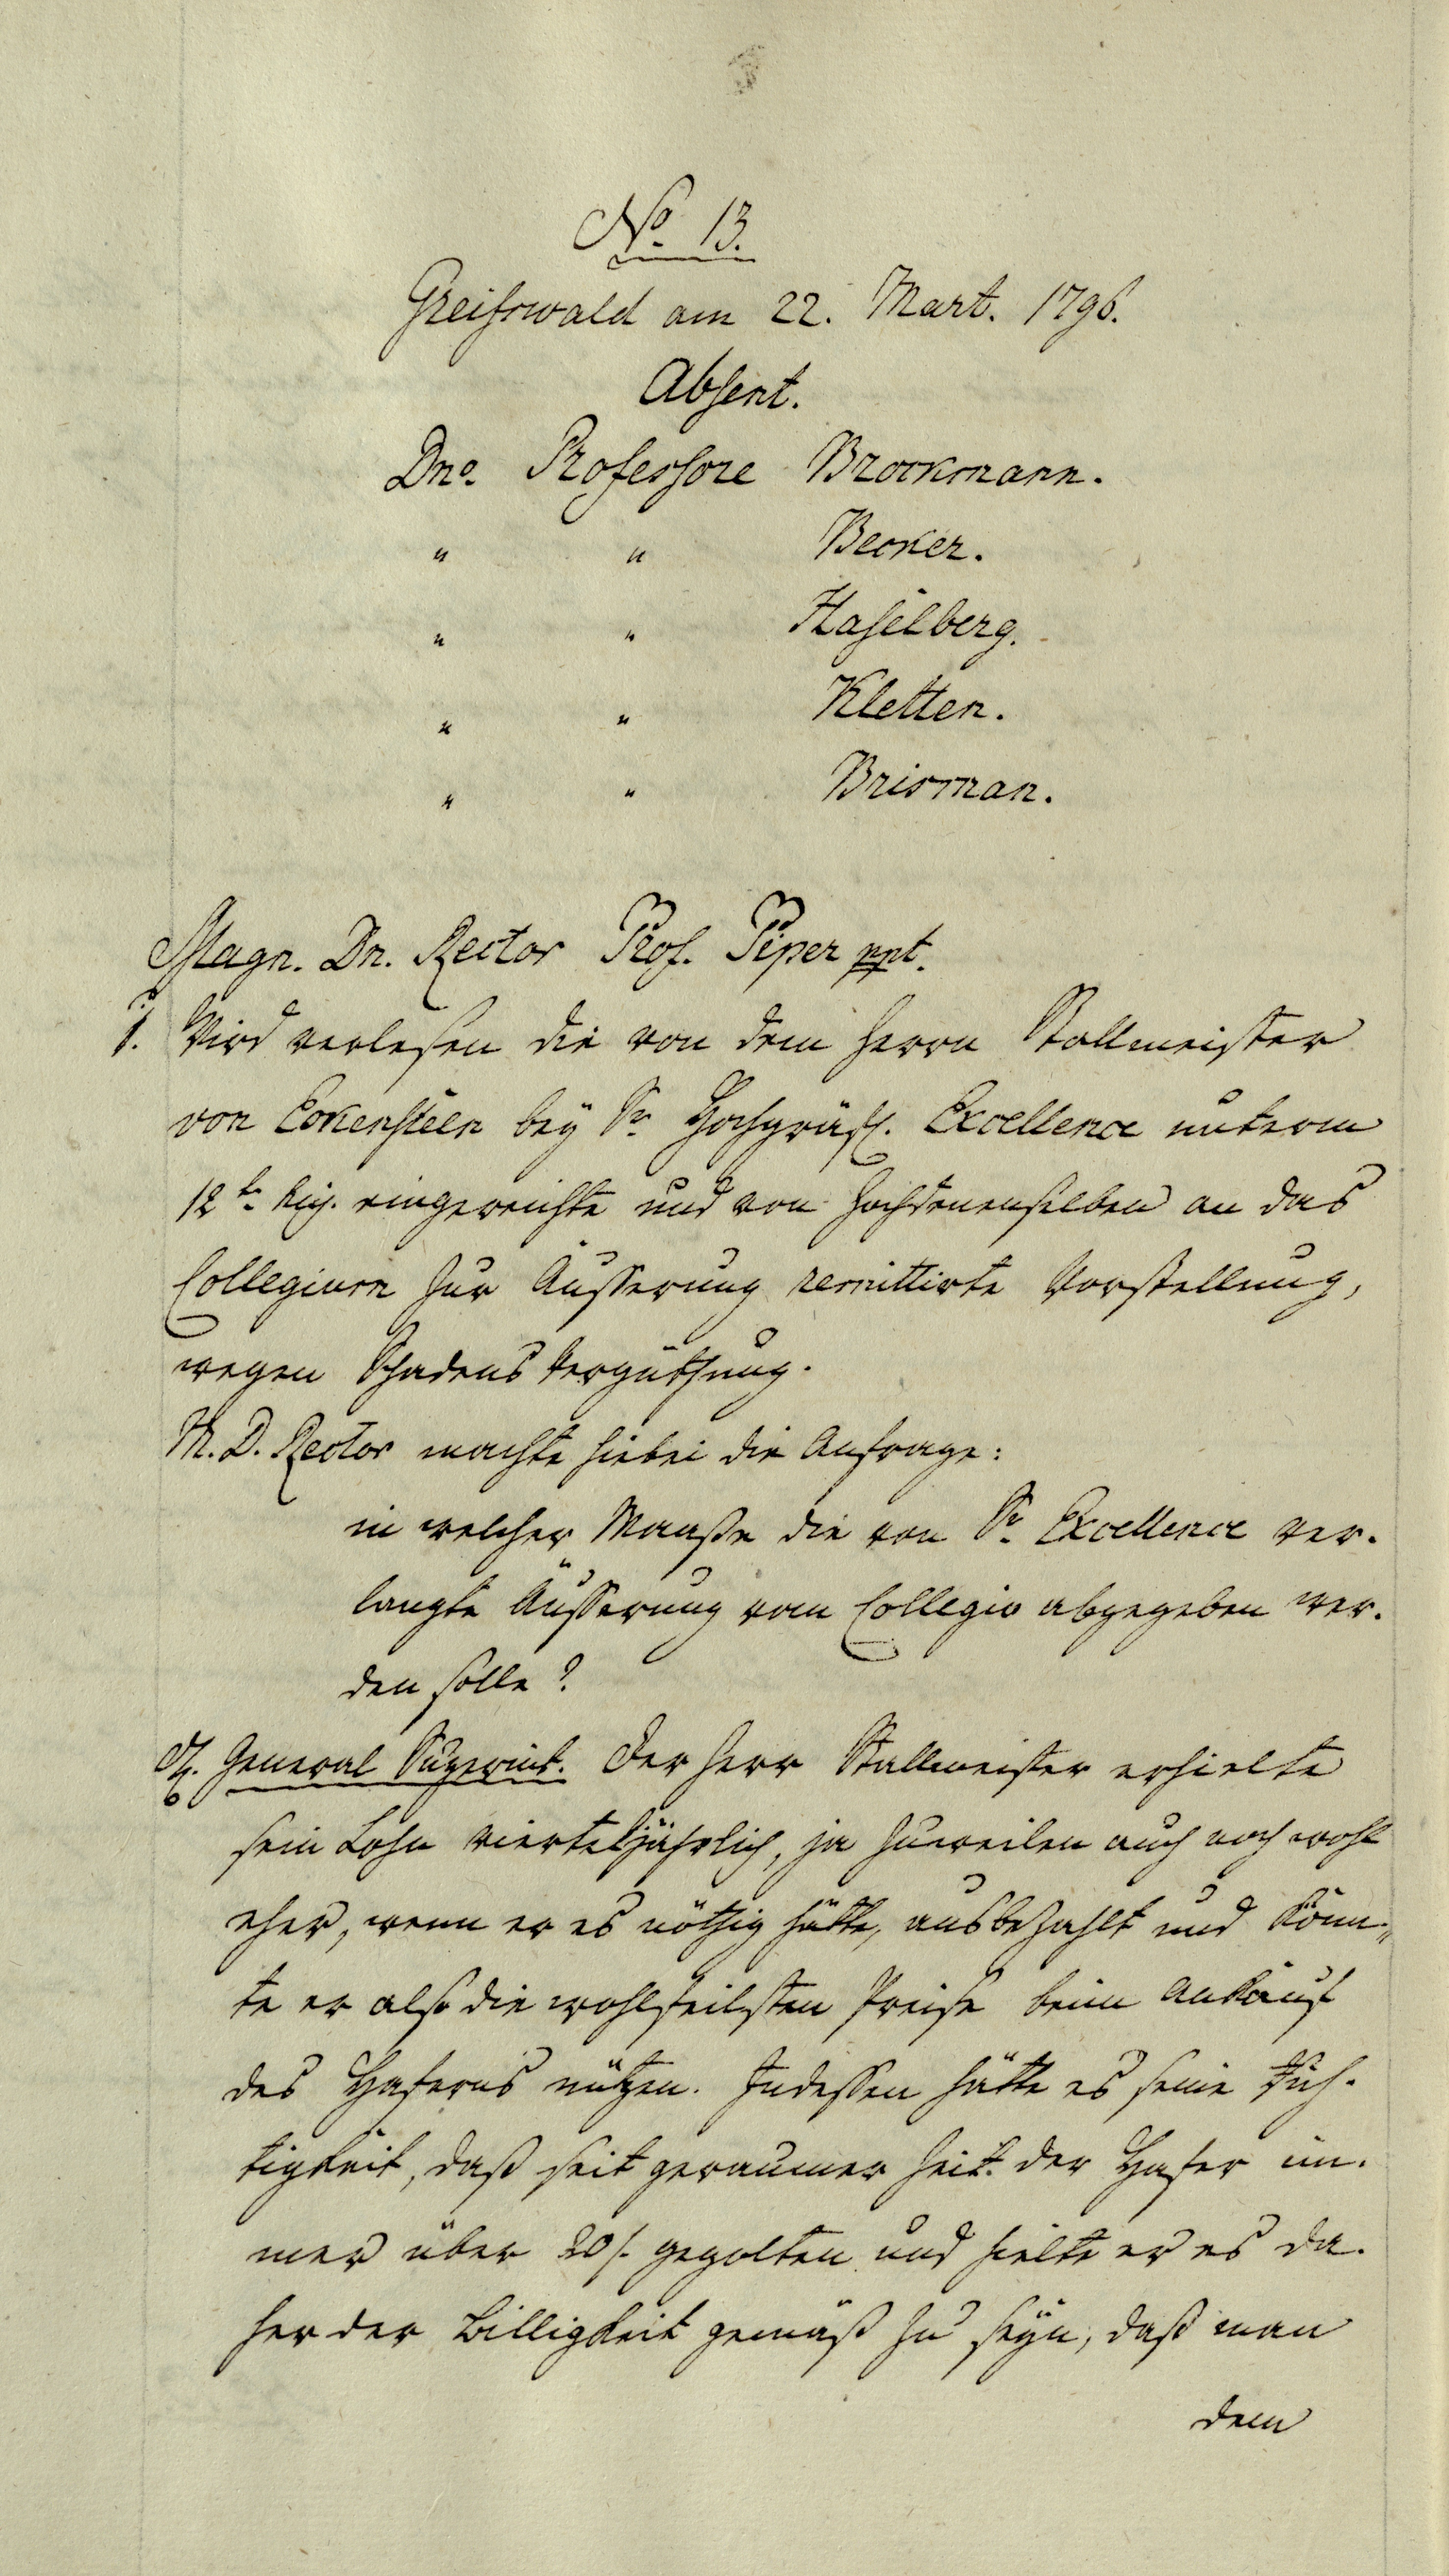No 13.
Greifswald am 22. Mart. 1796.
Absent.
Dno Professore Brockmann.
Becker.
Haselberg.
Kletten.
Brisman.
Magn. Dn. Rector Prof. Piper ppt.
1. Wird verlesen die von dem Herrn Stallmeister
von Eckensteén beÿ Sr Hochgräfl. Excellence unterm
12 t. huj. eingereichte und von Hochdenenselben an das
Collegium zur Äusserung remittirte Vorstellung,
wegen Schadens Vergüthung.
M. D. Rector machte hiebei die Anfrage:
in welcher Maaße die von Sr Excellence ver¬
langte Äusserung vom Collegio abgegeben wer¬
den solle?
dh. General Superint. Der Herr Stalleneiter erhielte
sein Lohn vierteljährlich, je zuweilen auch noch wohl
eher, wenn er es nöthig hätte, ausbezahlt und könn¬
te er also die wohlfeilsten Preise beim Ankauf
des Haferns nützen. Indessen hätte es seine Rich¬
tigkeit, daß seit geraumer Zeit der Hafer im¬
mer über 20 s. gegolten und hielte er es da¬
her der Billigkeit gemäß zu seÿn, daß man
dem